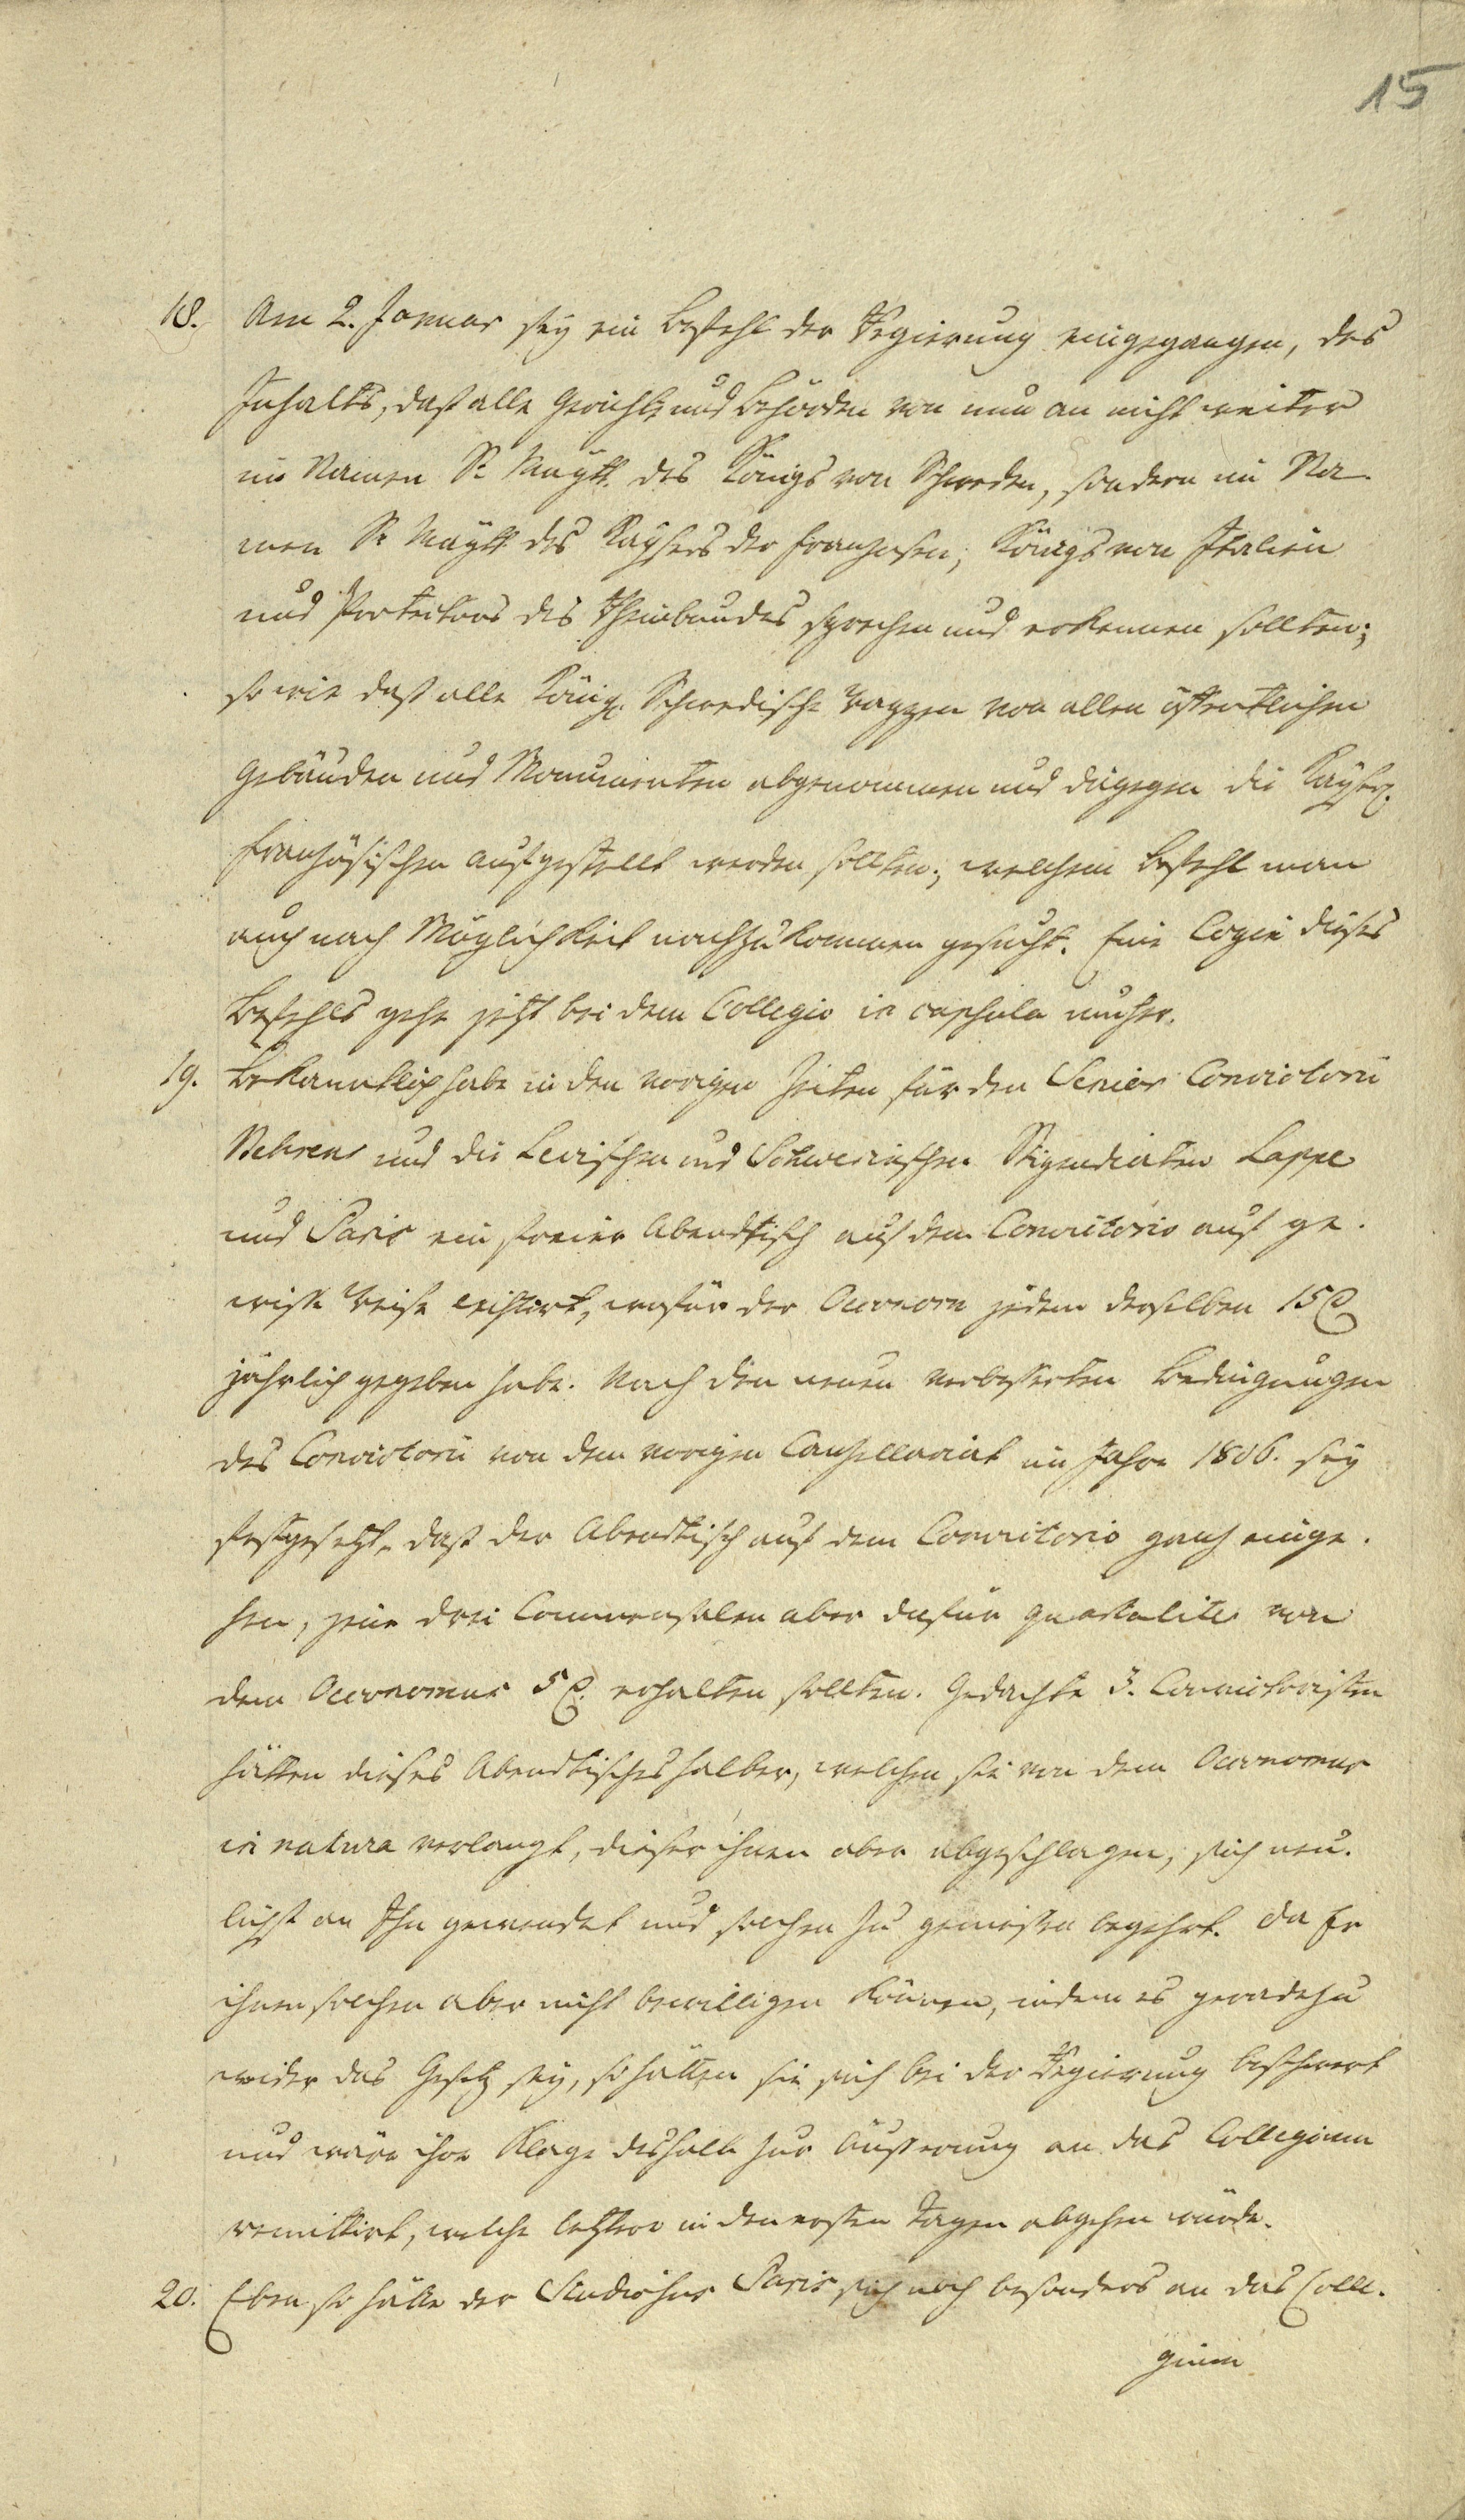18. Am 2. Januar seÿ ein Befehl der Regierung eingegangen, des
Inhalts, daß alle Gerichte und Behörden von nun an nicht weiter
im Namen Sr Maÿtt. des Königs von Schweden, sondern im Na¬
men Sr Maÿtt. des Kaÿsers der Franzosen, Königs von Italien
und Protectors des Rheinbundes sprechen und erkennen sollten;
so wie daß alle Königl. Schwedische Wappen von allen öffentlichen
Gebäuden und Monumenten abgenommen und dagegen die Kaÿserl.
Französischen aufgestellt werden sollten, welchem Befehl man
auch nach Möglichkeit nachzukommen gesucht. Eine Copie dieses
Befehls gehe jetzt bei dem Collegio in capsula umher.
19. Bekanntlich habe in den vorigen Zeiten für den Senior Convictorii
Nehren und die Levischen und Schwerinschen Stipendiaten Lappe
und Paris ein freier Abendtisch auf dem Convictorio auf ge¬
wisse Weise existirt, wofür der Oeconom jedem derselben 15 l.
jährlich gegeben habe. Nach den neuen verbesserten Bedingungen
des Convictorii von dem vorigen Canzellariat im Jahre 1806. seÿ
festgesetzt, daß der Abendtisch auf dem Convictorio ganz einge¬
hen, jene drei Commensalen aber dafür quartaliter von
dem Oeconomus 5 l. erhalten sollten. Gedachte 3. Convictoristen
hätten dieses Abendtisches halber, welchen sie von dem Oeconomus
in natura verlangt, dieser ihnen aber abgeschlagen, sich neu¬
lichst an Ihn gewendet und solchen zu geniessen begehrt. Da Er
ihnen solchen aber nicht bewilligen können, indem es geradezu
wider das Gesetz seÿ, so hätten sie sich bei der Regierung beschwert
und wäre ihre Klage deshalb zur Äusserung an das Collegium
remittirt, welche letztere in den ersten Tagen abgehen würde.
20. Eben so hätte der Studiosus Paris sich noch besonders an das Colle¬
gium